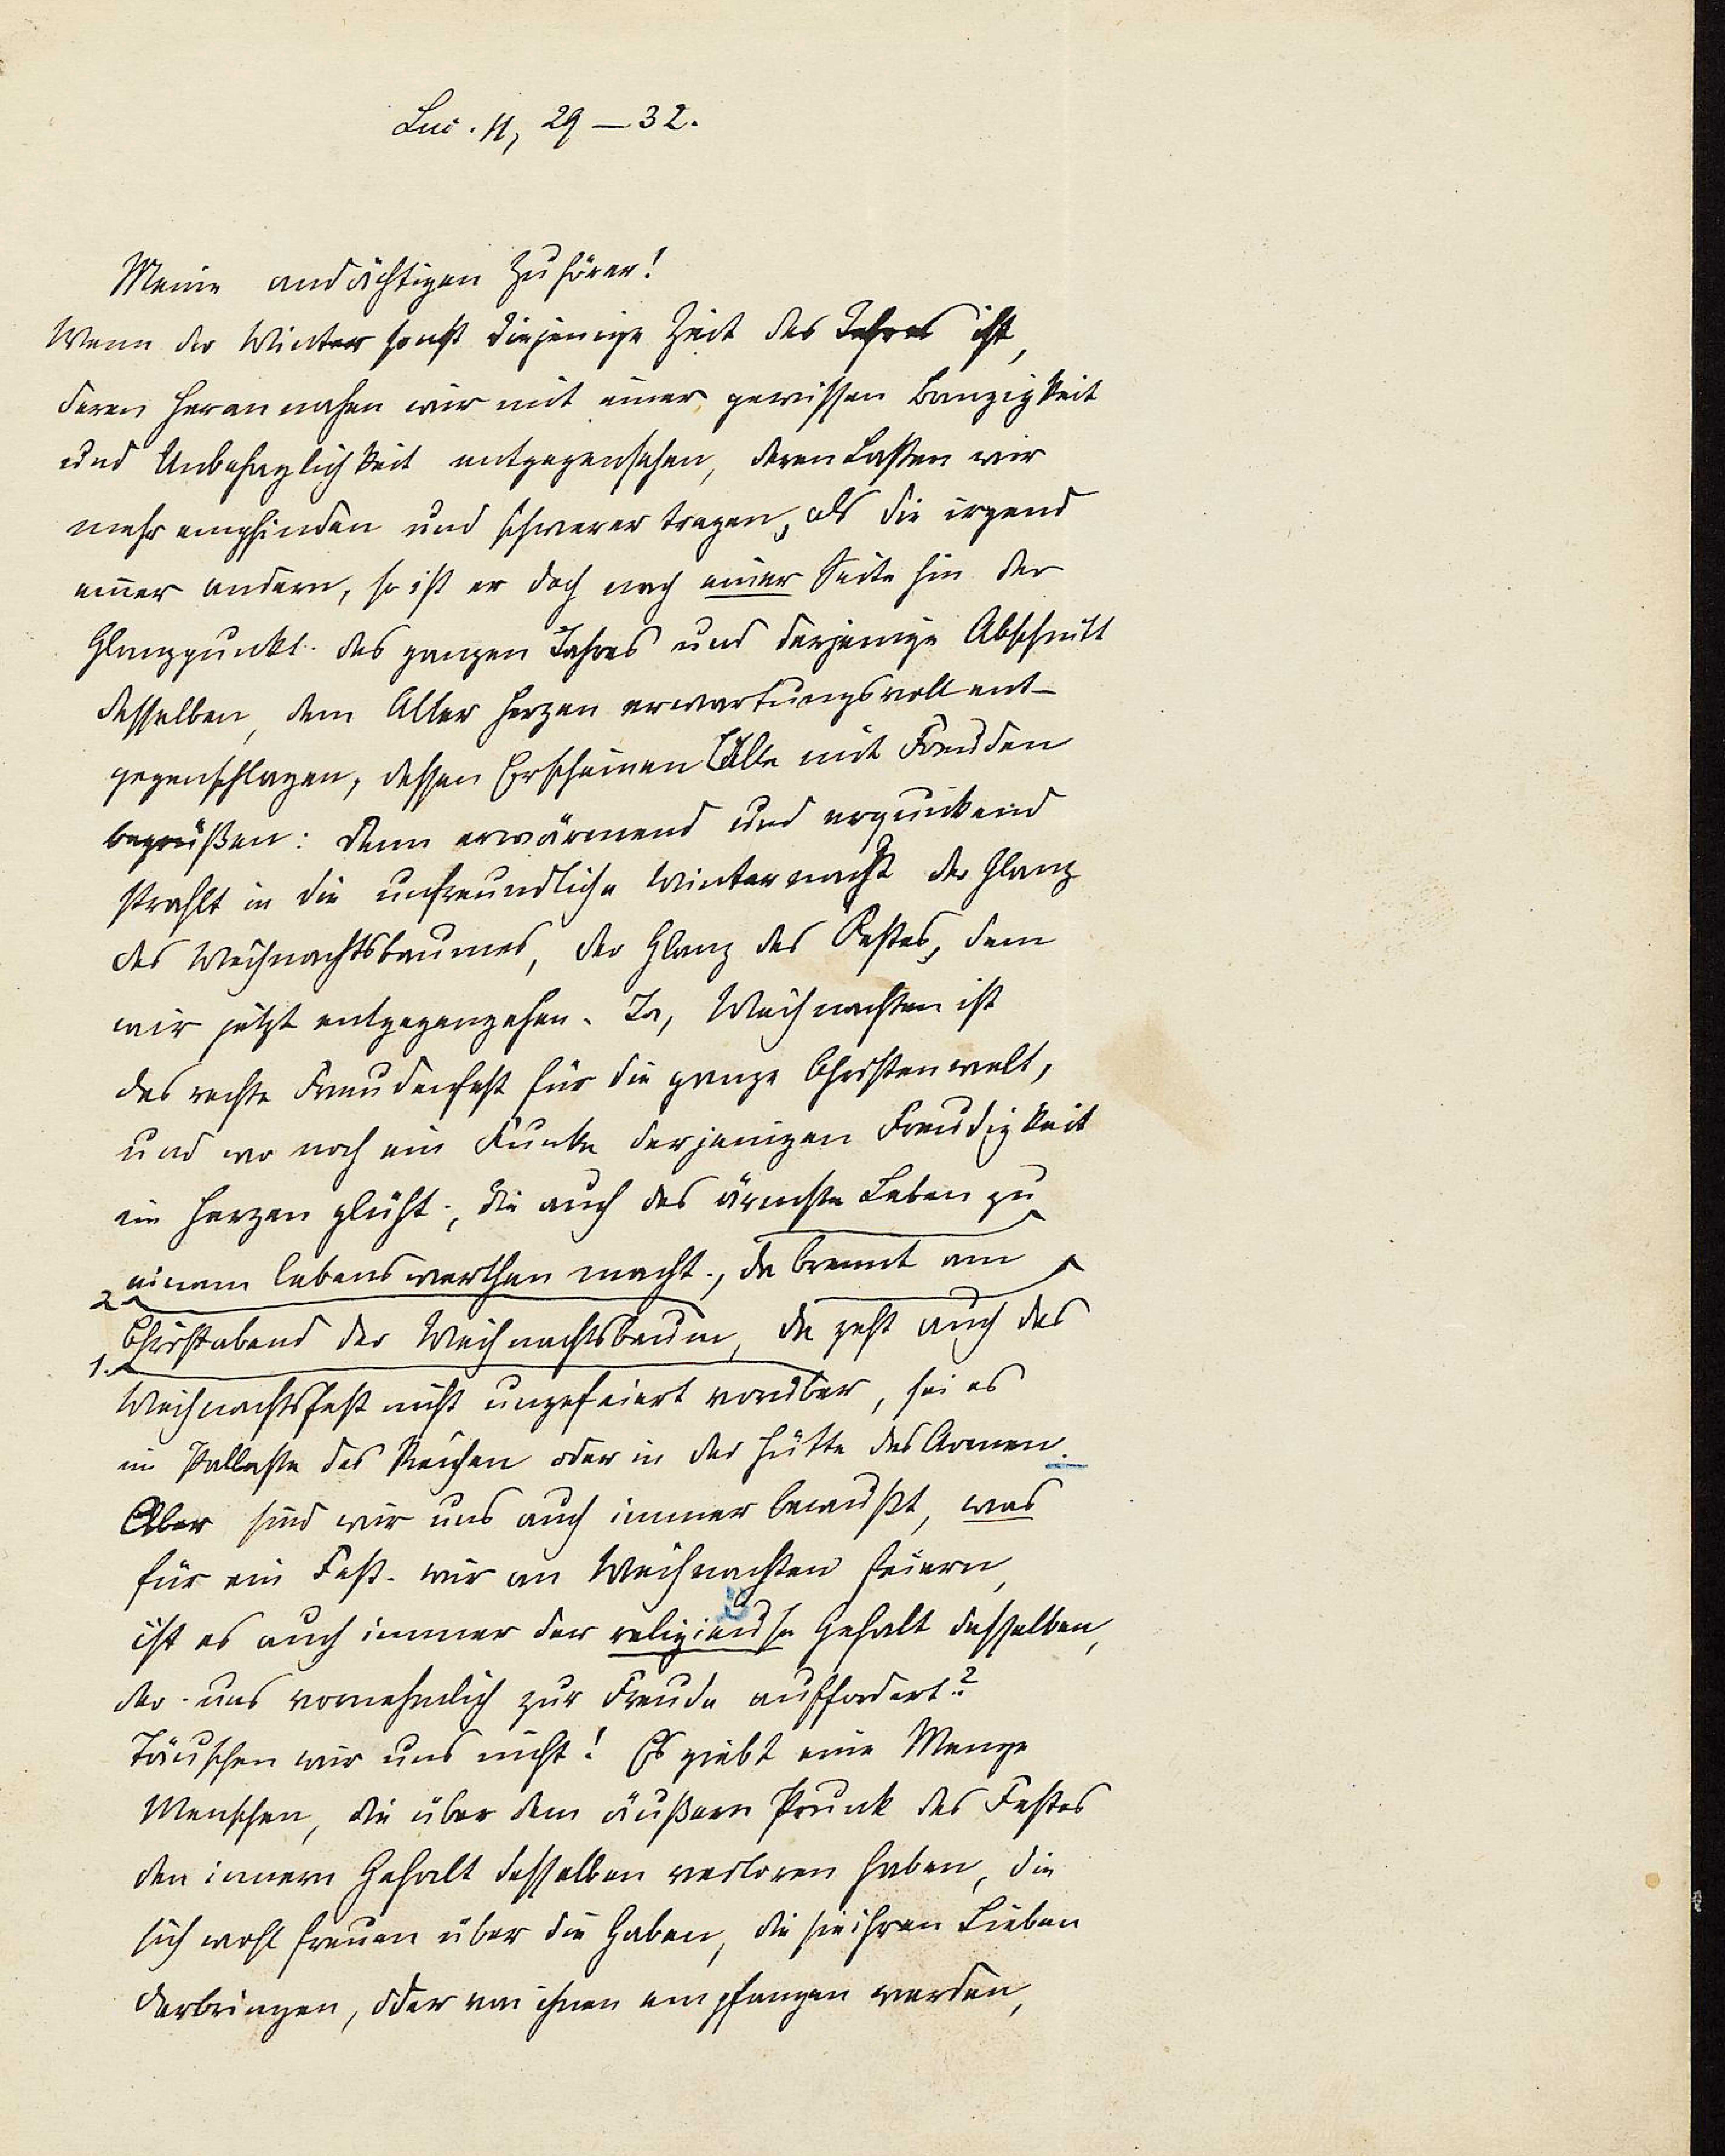Luc. 11,29-32.
Mein andächtigen Zuhörer!
Wenn der Winter sonst diejenige Zeit des Jahres ist
deren Herannahen wir mit einer gewissen Bangigkeit
und Unbehaglichkeit, entgegensehen, deren Lasten wir
mehr empfinden und schwerer tragen, als die irgend
einer andern, so ist er doch nach einer Seite hin der
Glanzpunkt des ganzen Jahres und derjenige Abschnitt
desselben, den Aller Herzen erwartungsvoll ent¬
gegenschlagen, dessen Erscheinen Alle mit Freuden
bengrüßen: Denn erwärmend und erquikend
strahlt in die unfreundliche Winternacht, der Glanz
des Weihnachtsbaumes, der Glanz des Festes, dem
wir jetzt entgegengehen. Ja, Weihnachten ist
das rechte Freudenfest für die ganze Cchristenwelt,
und wo noch ein Funke derjenigen Freudigkeit
in Herzen glüht, die auch das ärmste Leben zu
2 einem lebenswerthen macht, da brennt am
Christabend der Weichnachtsbaum, da geht auch das
1.
Weihnachtsfest nicht ungefeiert vorüber, sei es
im Pallaste des Renichen oder in der Hütte das Armen
Aber sind wir uns auch inmmer bewußet, was
für ein Fest wir an Weihnachten feiern,
ist es auch immer der religieuse Gehalt desselben,
der uns vornehmlich zur Freude auffordert?
Täuschen wir uns nicht! Es giebt eine Menge
Menschen, die über dem äußern Prunk des Festes
den innern Gehalt desselben verloren haben, die
sich wohl freuen über die Gaben, die sie ihren Lieben
darbringen, oder von ihnen empfangen werden,